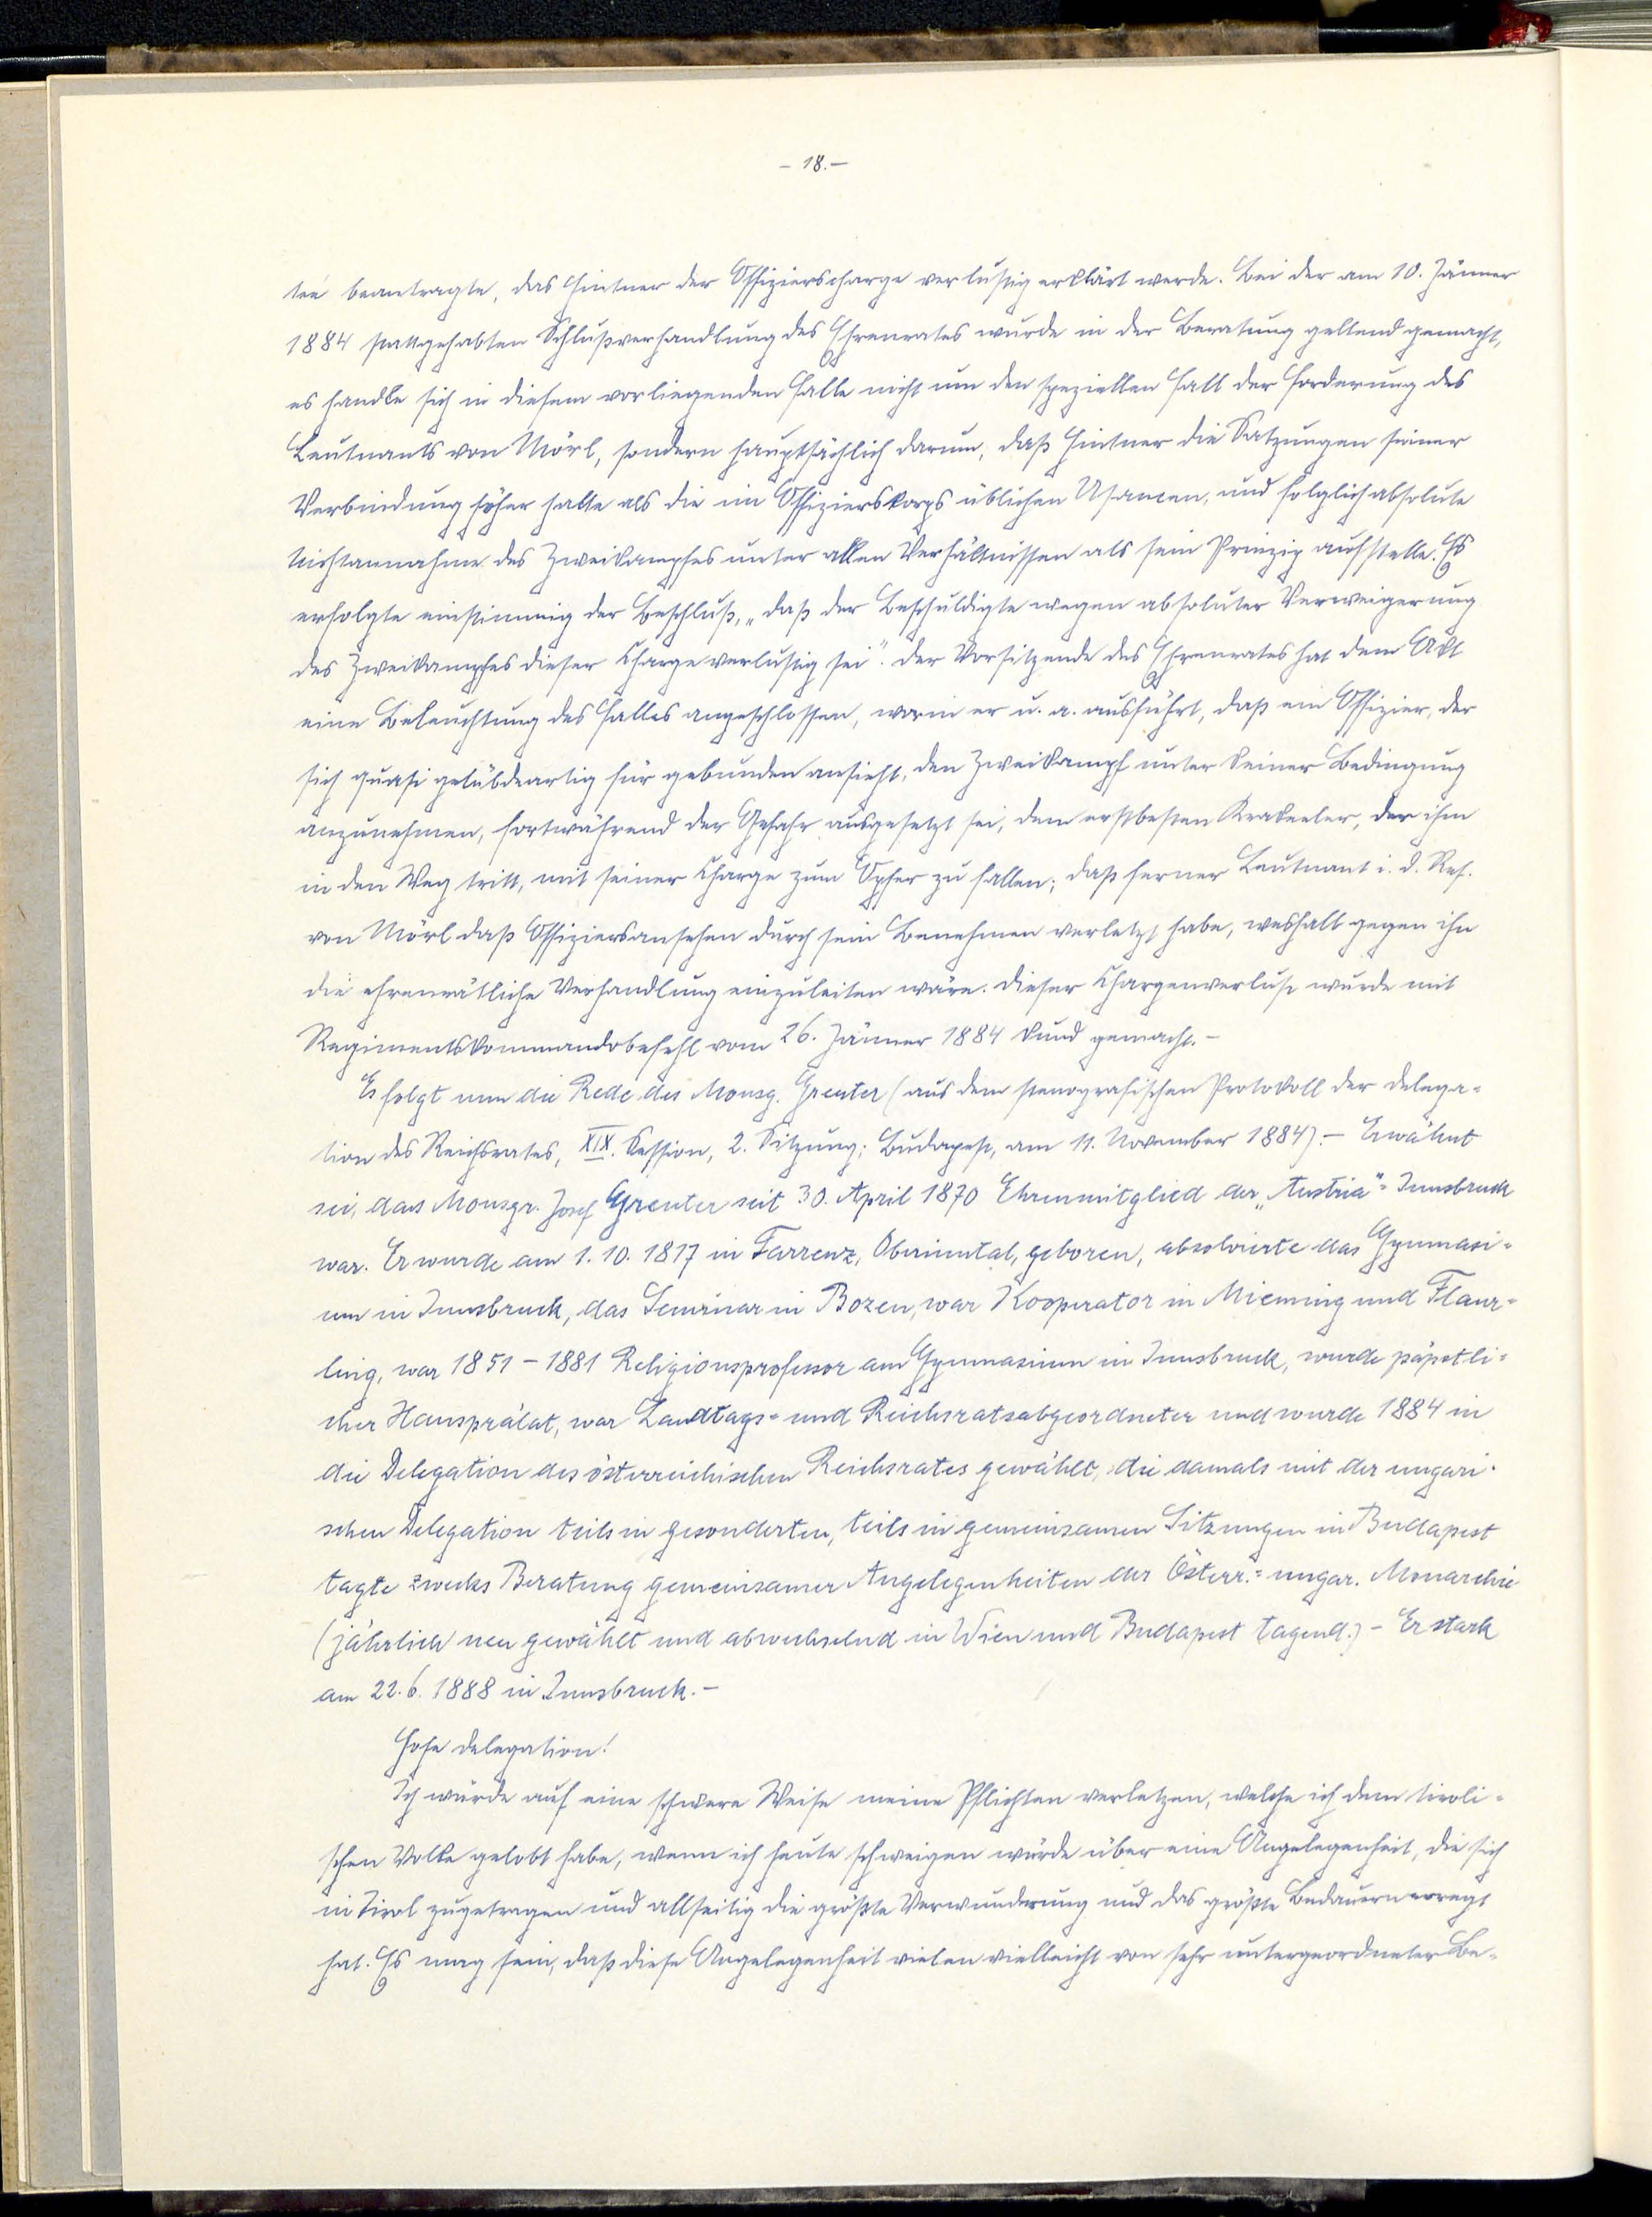18.
tee beantragte, das Hintner der Offizierscharge verlustig erklärt werde. Bei der am 10. Jänner
1884 stattgehabten Schlußverhandlung des Ehrenrates wurde in der Bewertung geltend gemacht,
es handle sich in diesem vorliegenden Falle nicht um den speziellen Fall der Forderung des
Leutnants von Mörl, sondern hauptsächlich darum, daß Hintner die Satzungen seiner
Verbindung höher halte als die im Offizierskorps üblichen Usancen und folglich absolute
Nichtannahme des Zweikampfes unter allen Verhältnissen als sein Prinzip aufstelle. Es
erfolgte einstimmig der Beschluss, "daß der Beschuldigte wegen absoluter Verweigerung
des Zweikampfes dieser Charge verlustig sei". Der Vorsitzende des Ehrenrats hat dem Akt
eine Beleuchtung des Fallens angeschlossen, worin er u. a. ausführt, daß ein Offizier, der
sich quasi gelübdeartig für gebunden ersieht, den Zweikampg unter keiner Bedingung
anzunehmen, fortwährend der Gefahr ausgesetzt sei, dem erstbesten Krakeeler der ihm
in den Weg tritt, mit seiner Charge zum Opfer zu fallen; daß ferner Leutnant i. d. Res.
von Mörl daß Offiziersansehen durch sein Benehmen verletzt habe, weshalb gegen ihn
die ehrenrätliche Verhandlung einzuleiten wäre. Dieser Chargenverlust wurde mit
Regimentskommandobefehl vom 26. Jänner 1884 kund gemacht.-
Es folgt nun die Rede des Monsg. Greuter (aus dem stenografischen Protojoll de Delega-
tion des Reichsrates, XIX. Session, 2. Sitzung; Budapest, am 11. November 1884).- Erwähnt
sei, das Monsgr. Josef Greuter seit 30. April 1870 Ehrenmitglied der "Austria" Innsbruck
war. Er wurde am 1.10.1817 in Farrenz, Oberinntal, geboren, absolvierte das Gymnasi-
um in Innsbruck, das Seminar in Bozen, war Kooperator in Mieming und Flaur-
ling, war 1851-1881 Religionsprofessor am Gymnasium in Innsbruck, wurde päpstli-
cher Hausprälat, war Landtags- und Reichsratsabgeordneter und wurde 1884 in
die Delegation des österreichischen Reichsrates gewählt die damals mit der ungari-
schen Delegation teils in gesonderten, teils in gemeinsamen Sitzungen in Budapest
tagte zwecks Beratung gemeinsamer Angelegenheiten der Österr.-Ungar. Monarchie
(jährlich neu gewählt und abwechselnd in Wien und Budapest tagend.)- Er starb
am 22.6.1888 in Innsbruck.-
Hohe Delegation
Ich würde auf eine schwere Weise meine Pflichten verletzen, welche ich dem tiroli-
schen Volke gelobt habe, wenn ich heute schweigen würde über eine Angelegenheit, die sich
in Tirol zugetragen und allseitig die größte Verwunderung und das größte Bedauern erregt
hat. Es mag sein, daß diese Angelegenheit vielen vielleicht von sehr untergeordneter Be-